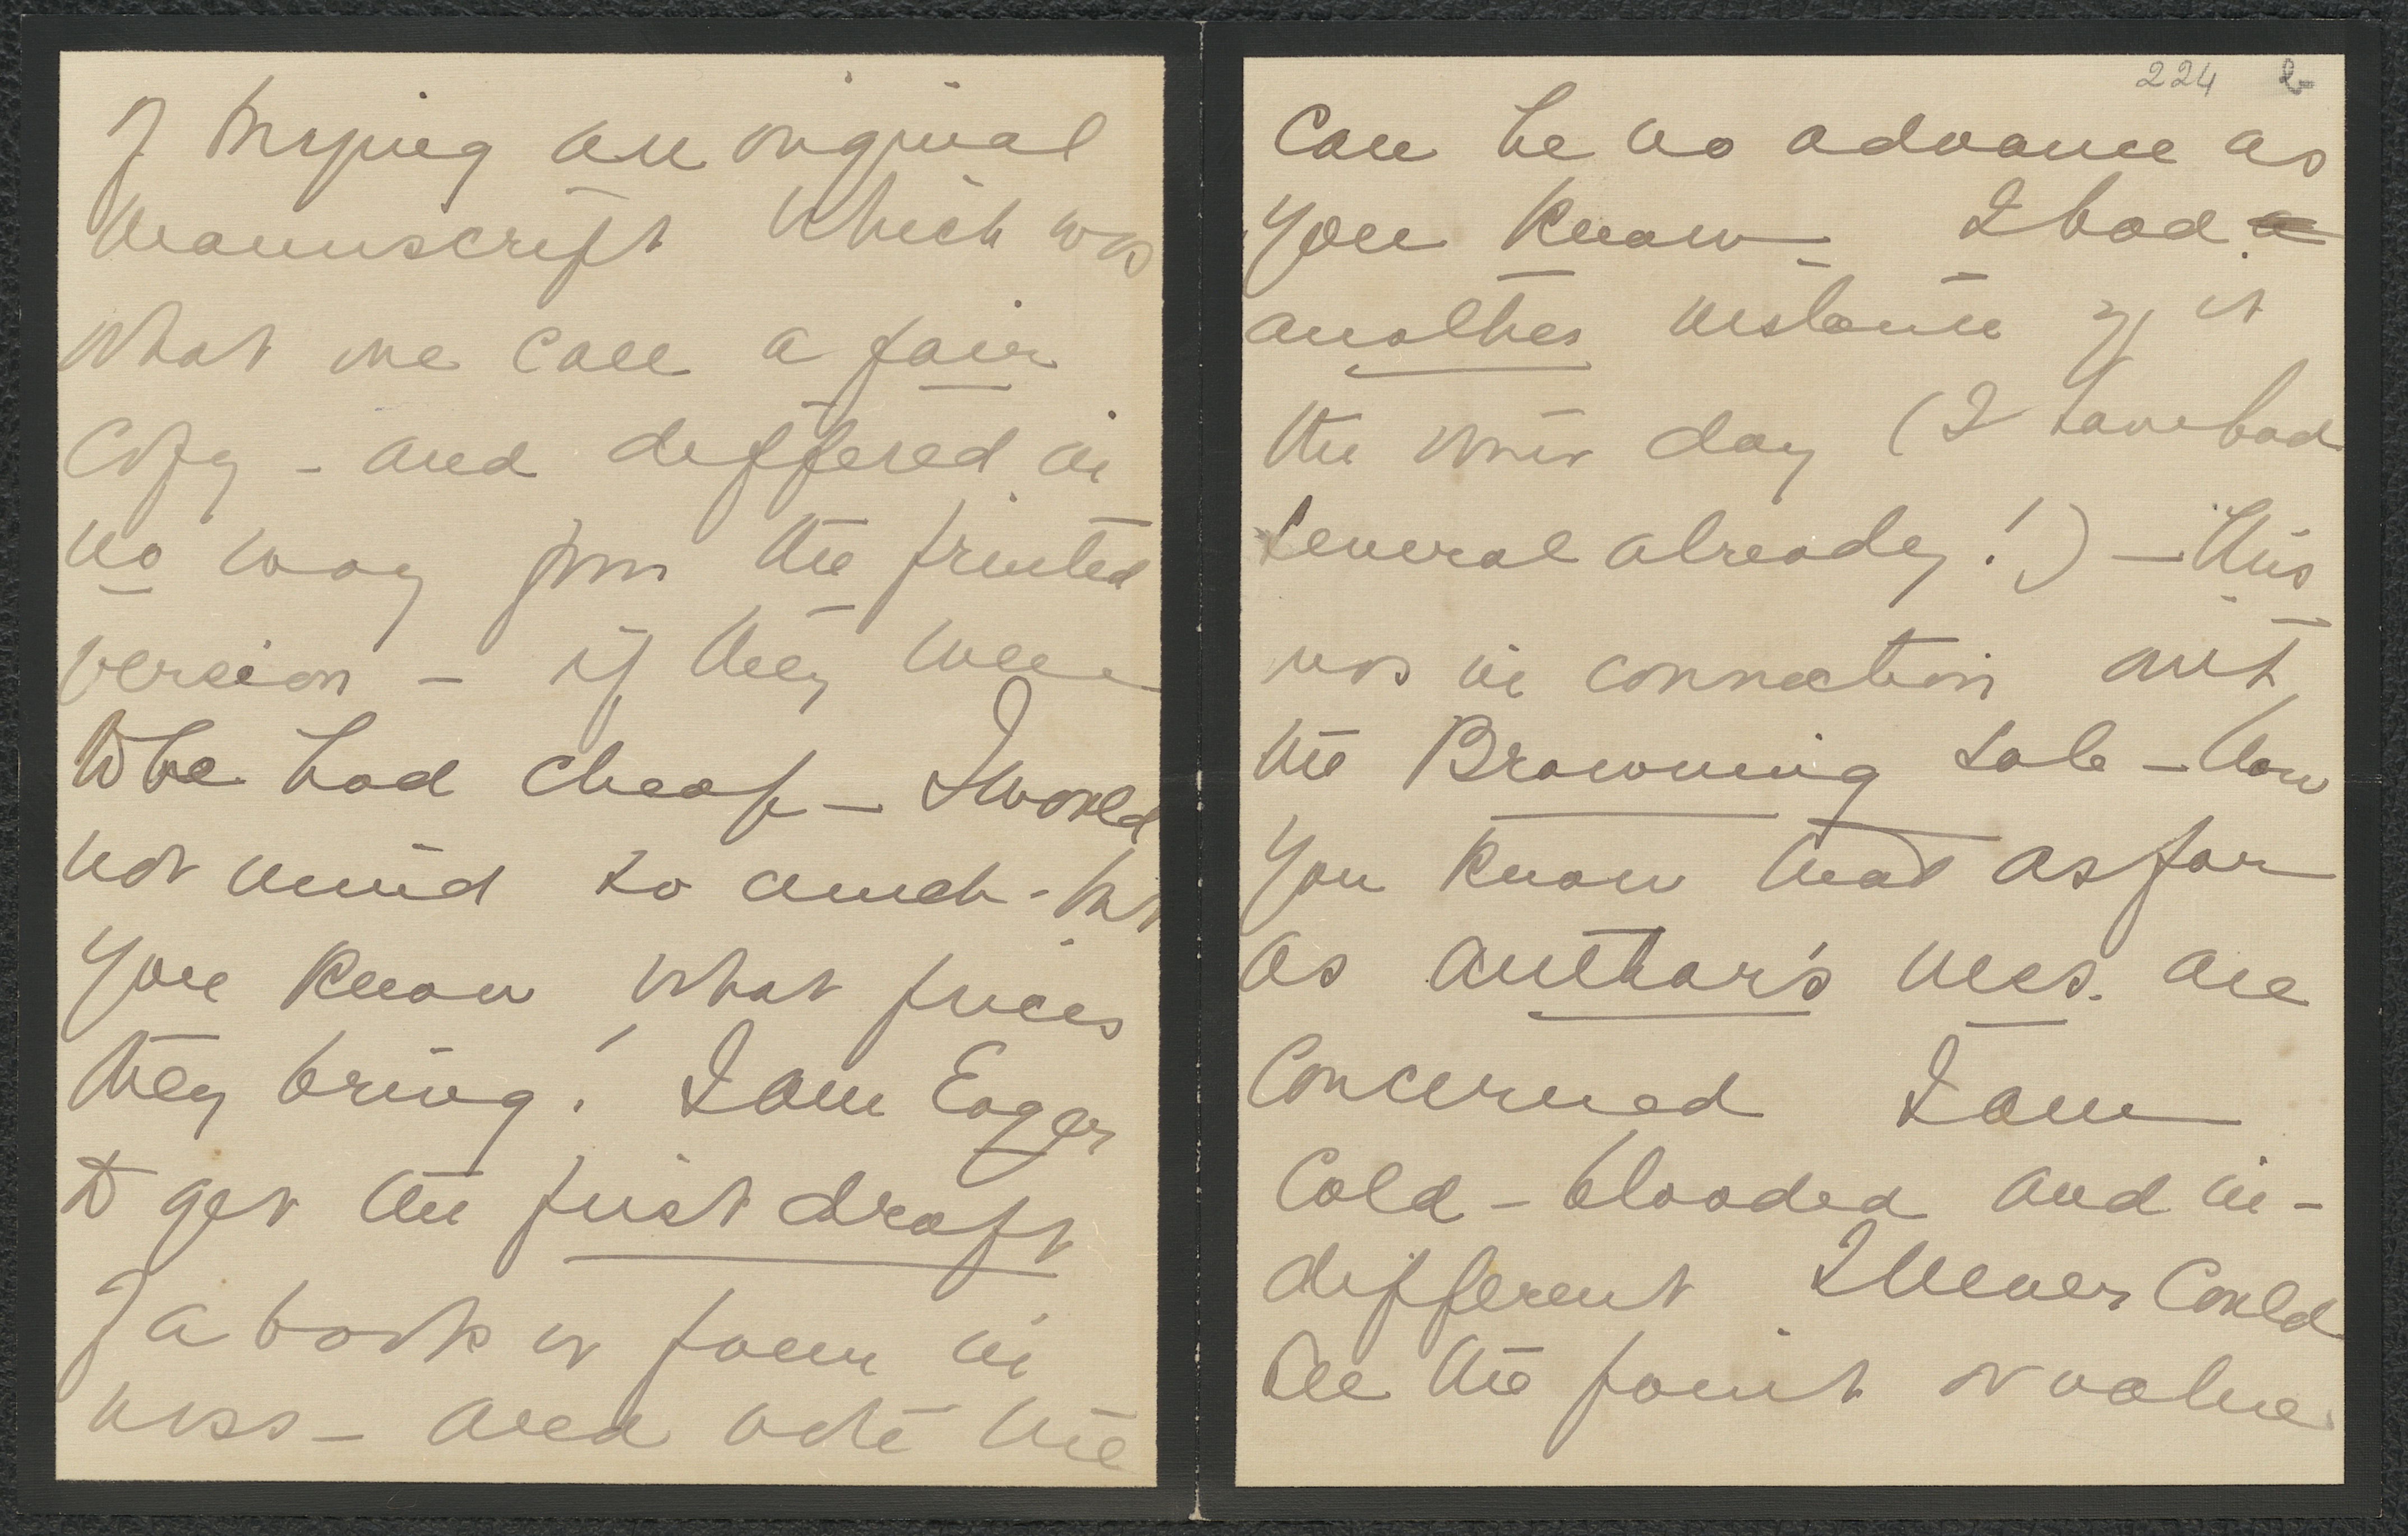can be no advance as you know I had a another instance of it the other day (I have had several already!) – This was in connection with the Browning sale – now you know that as far as author’s mss. are concerned I am cold-blooded and indifferent I never could see the point or value
of buying an original manuscript which was what we call a fair copy – and differed in no way from the printed version – if they were to be had cheap – I would not mind so much – but you know what prices they bring! I am eager to get the first draft of a book or poem in mss – and note the